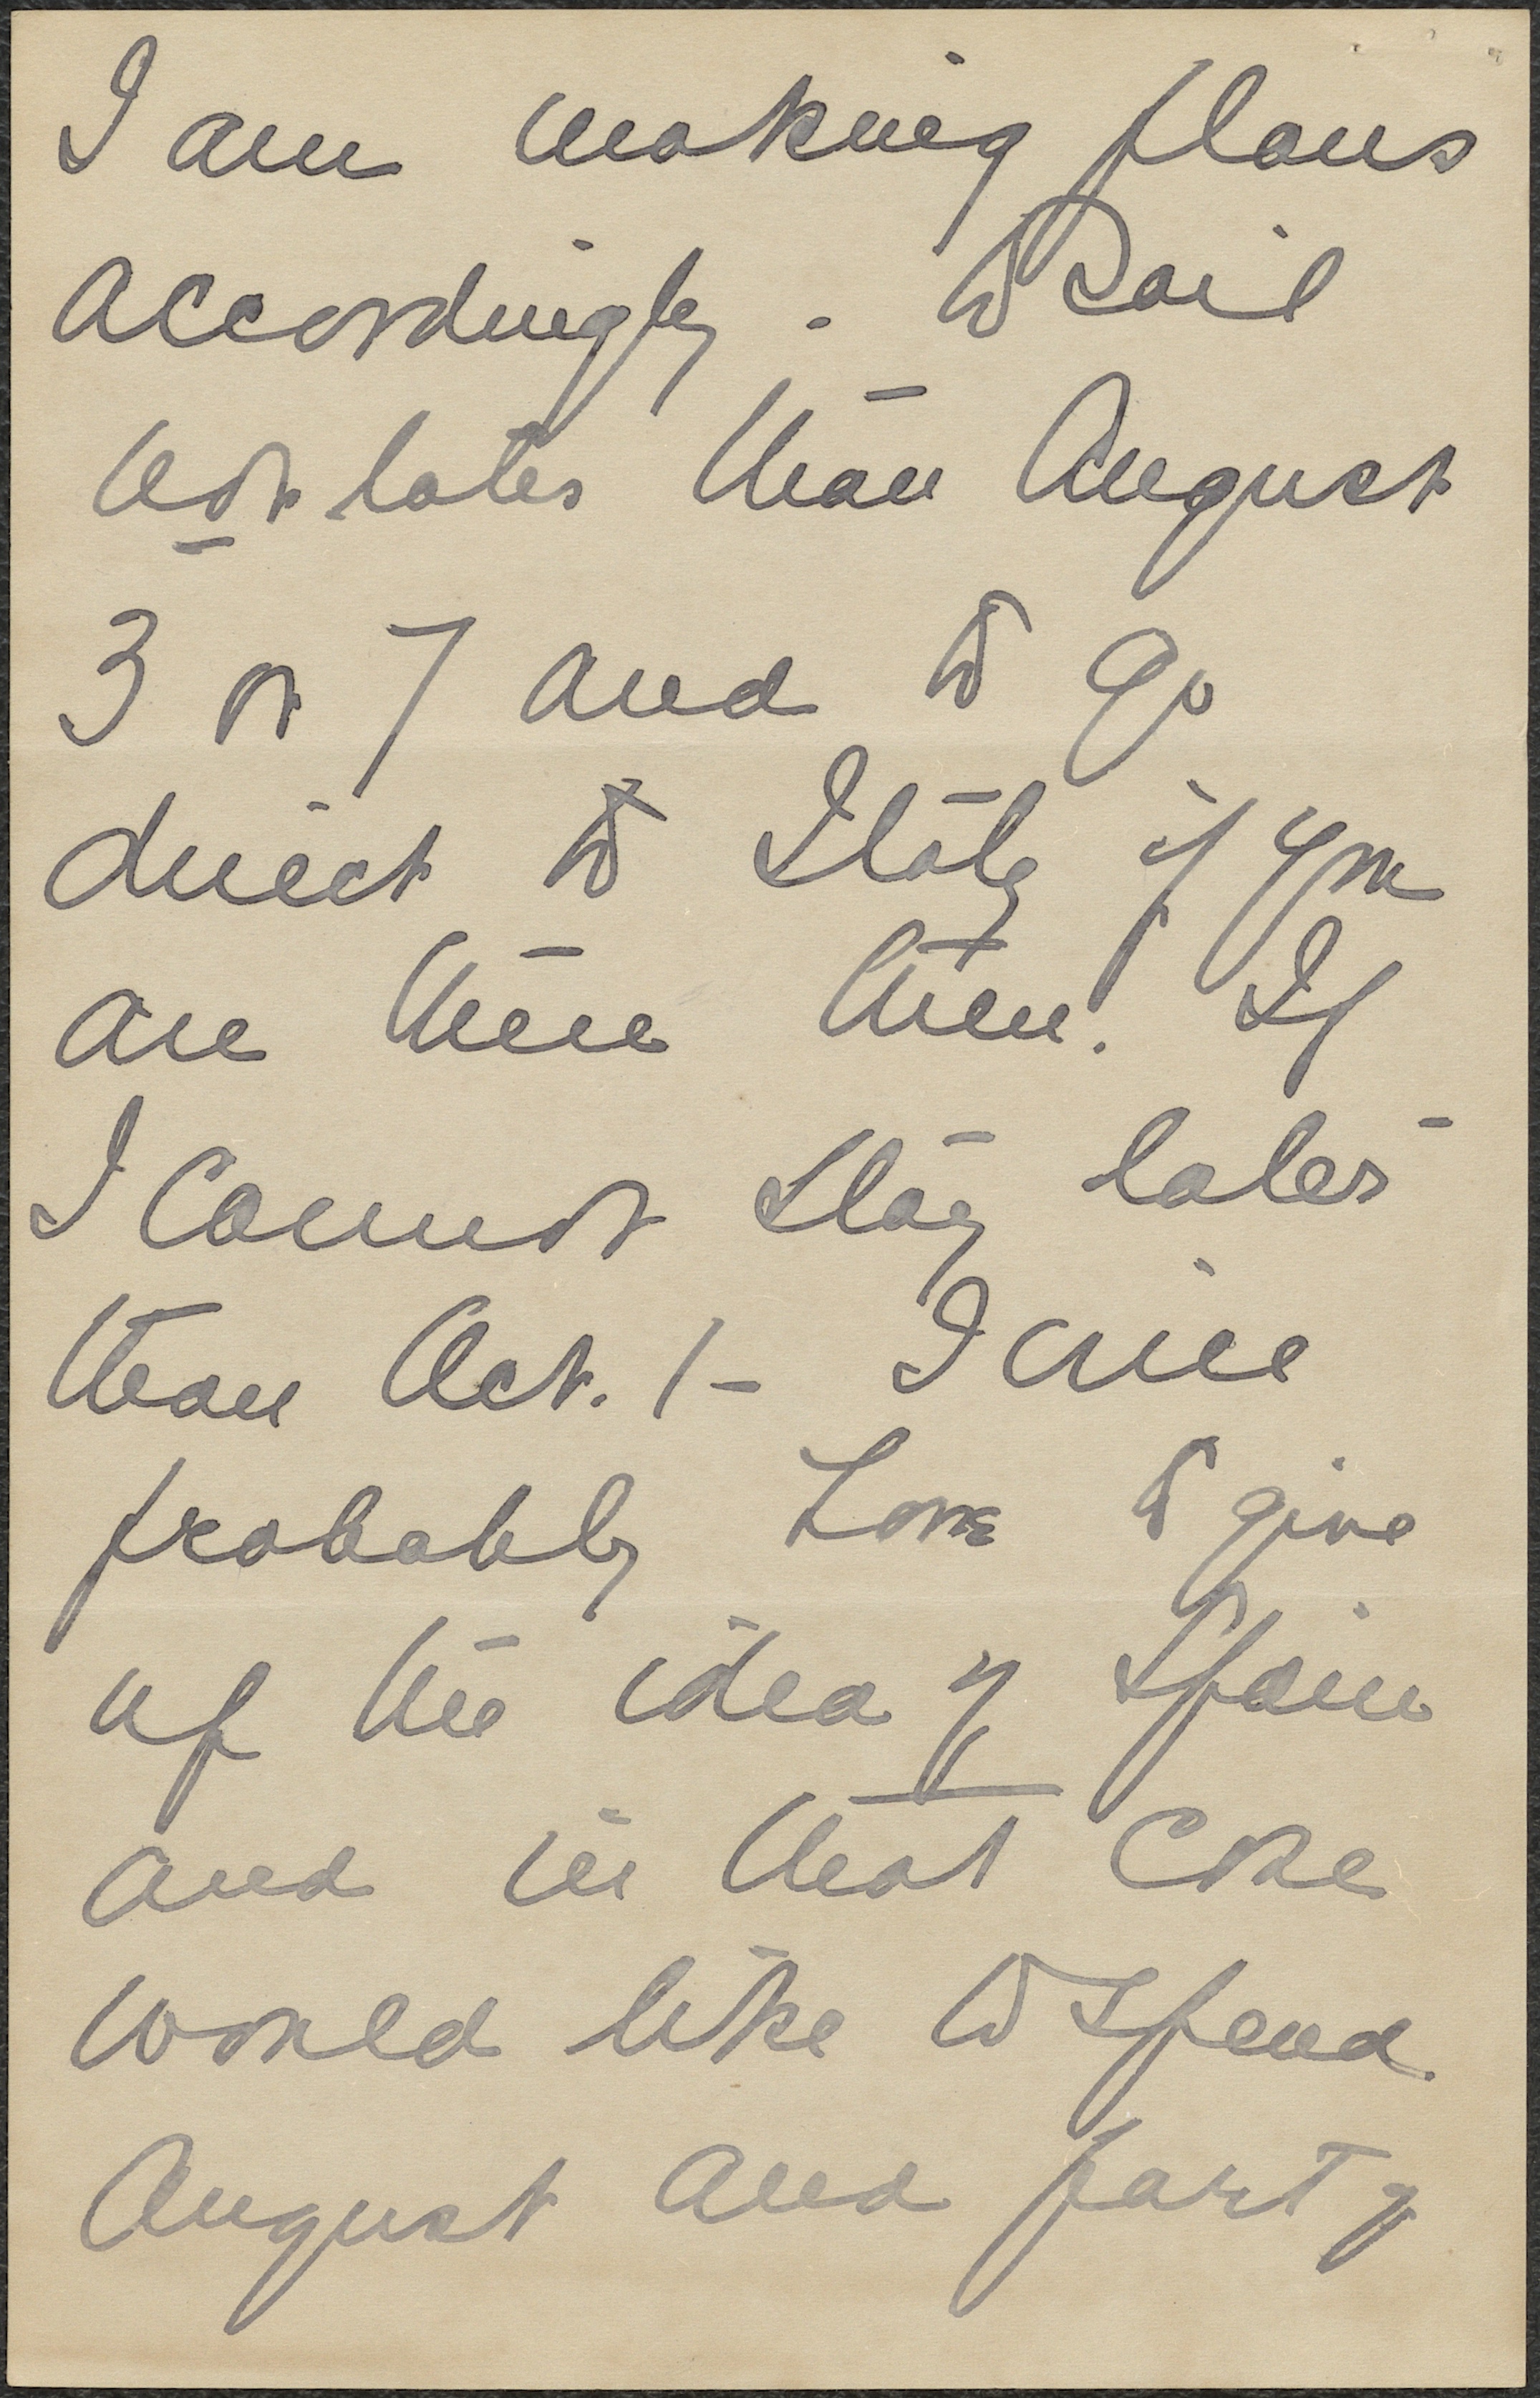I am making plans accordingly – to sail not later than August 3 or 7 and to go direct to Italy if you are there then. If I cannot stay later than Oct. 1 – I will probably have to give up the idea of Spain and in that case would like to spend August and part of